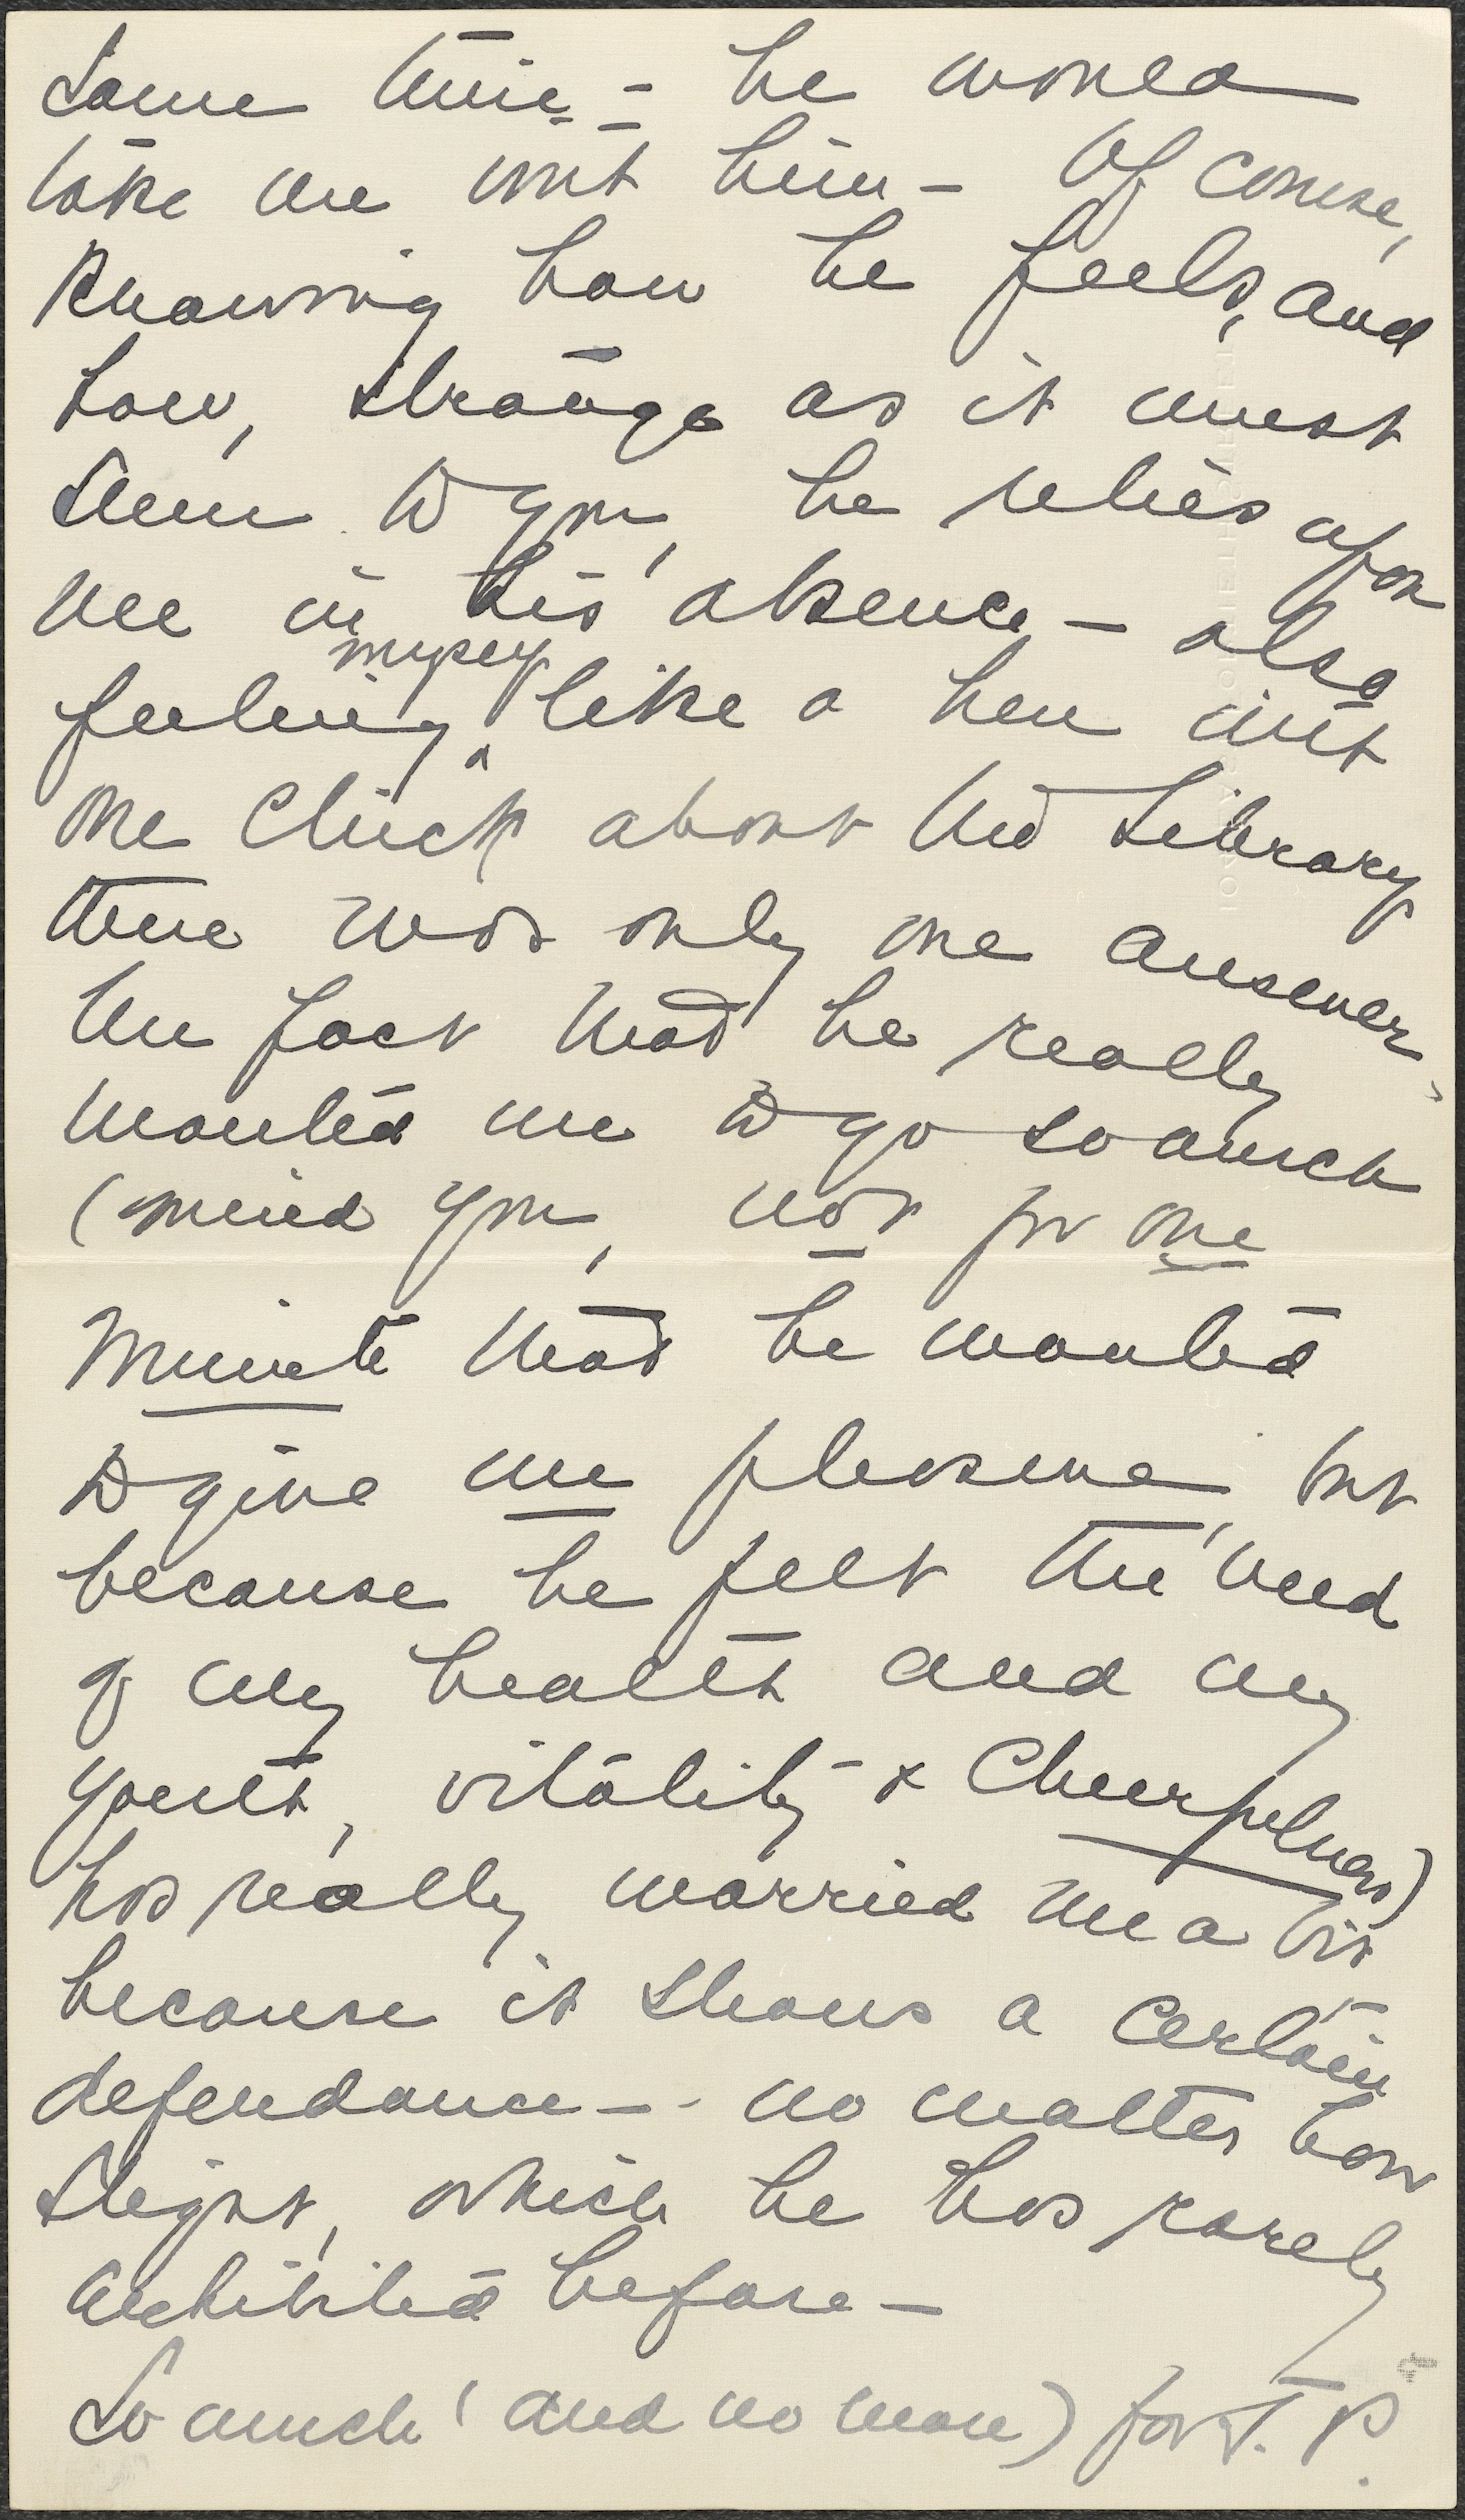same time – he would take me with him – of course, knowing how he feels, and how, strange as it must seem to you, he relies upon me in his absence – also feeling [^myself^] like a hen with one chick about that Library there was only one answer, the fact that he really wanted me to go so much (mind you, not for one minute that he wanted to give me pleasure, but because he felt the need of my health and my youth, vitality & cheerfulness) has really worried me a bit because it shows a certain dependance – no matter how slight, which he has rarely exhibited before –
So much (and no more) for J. P.